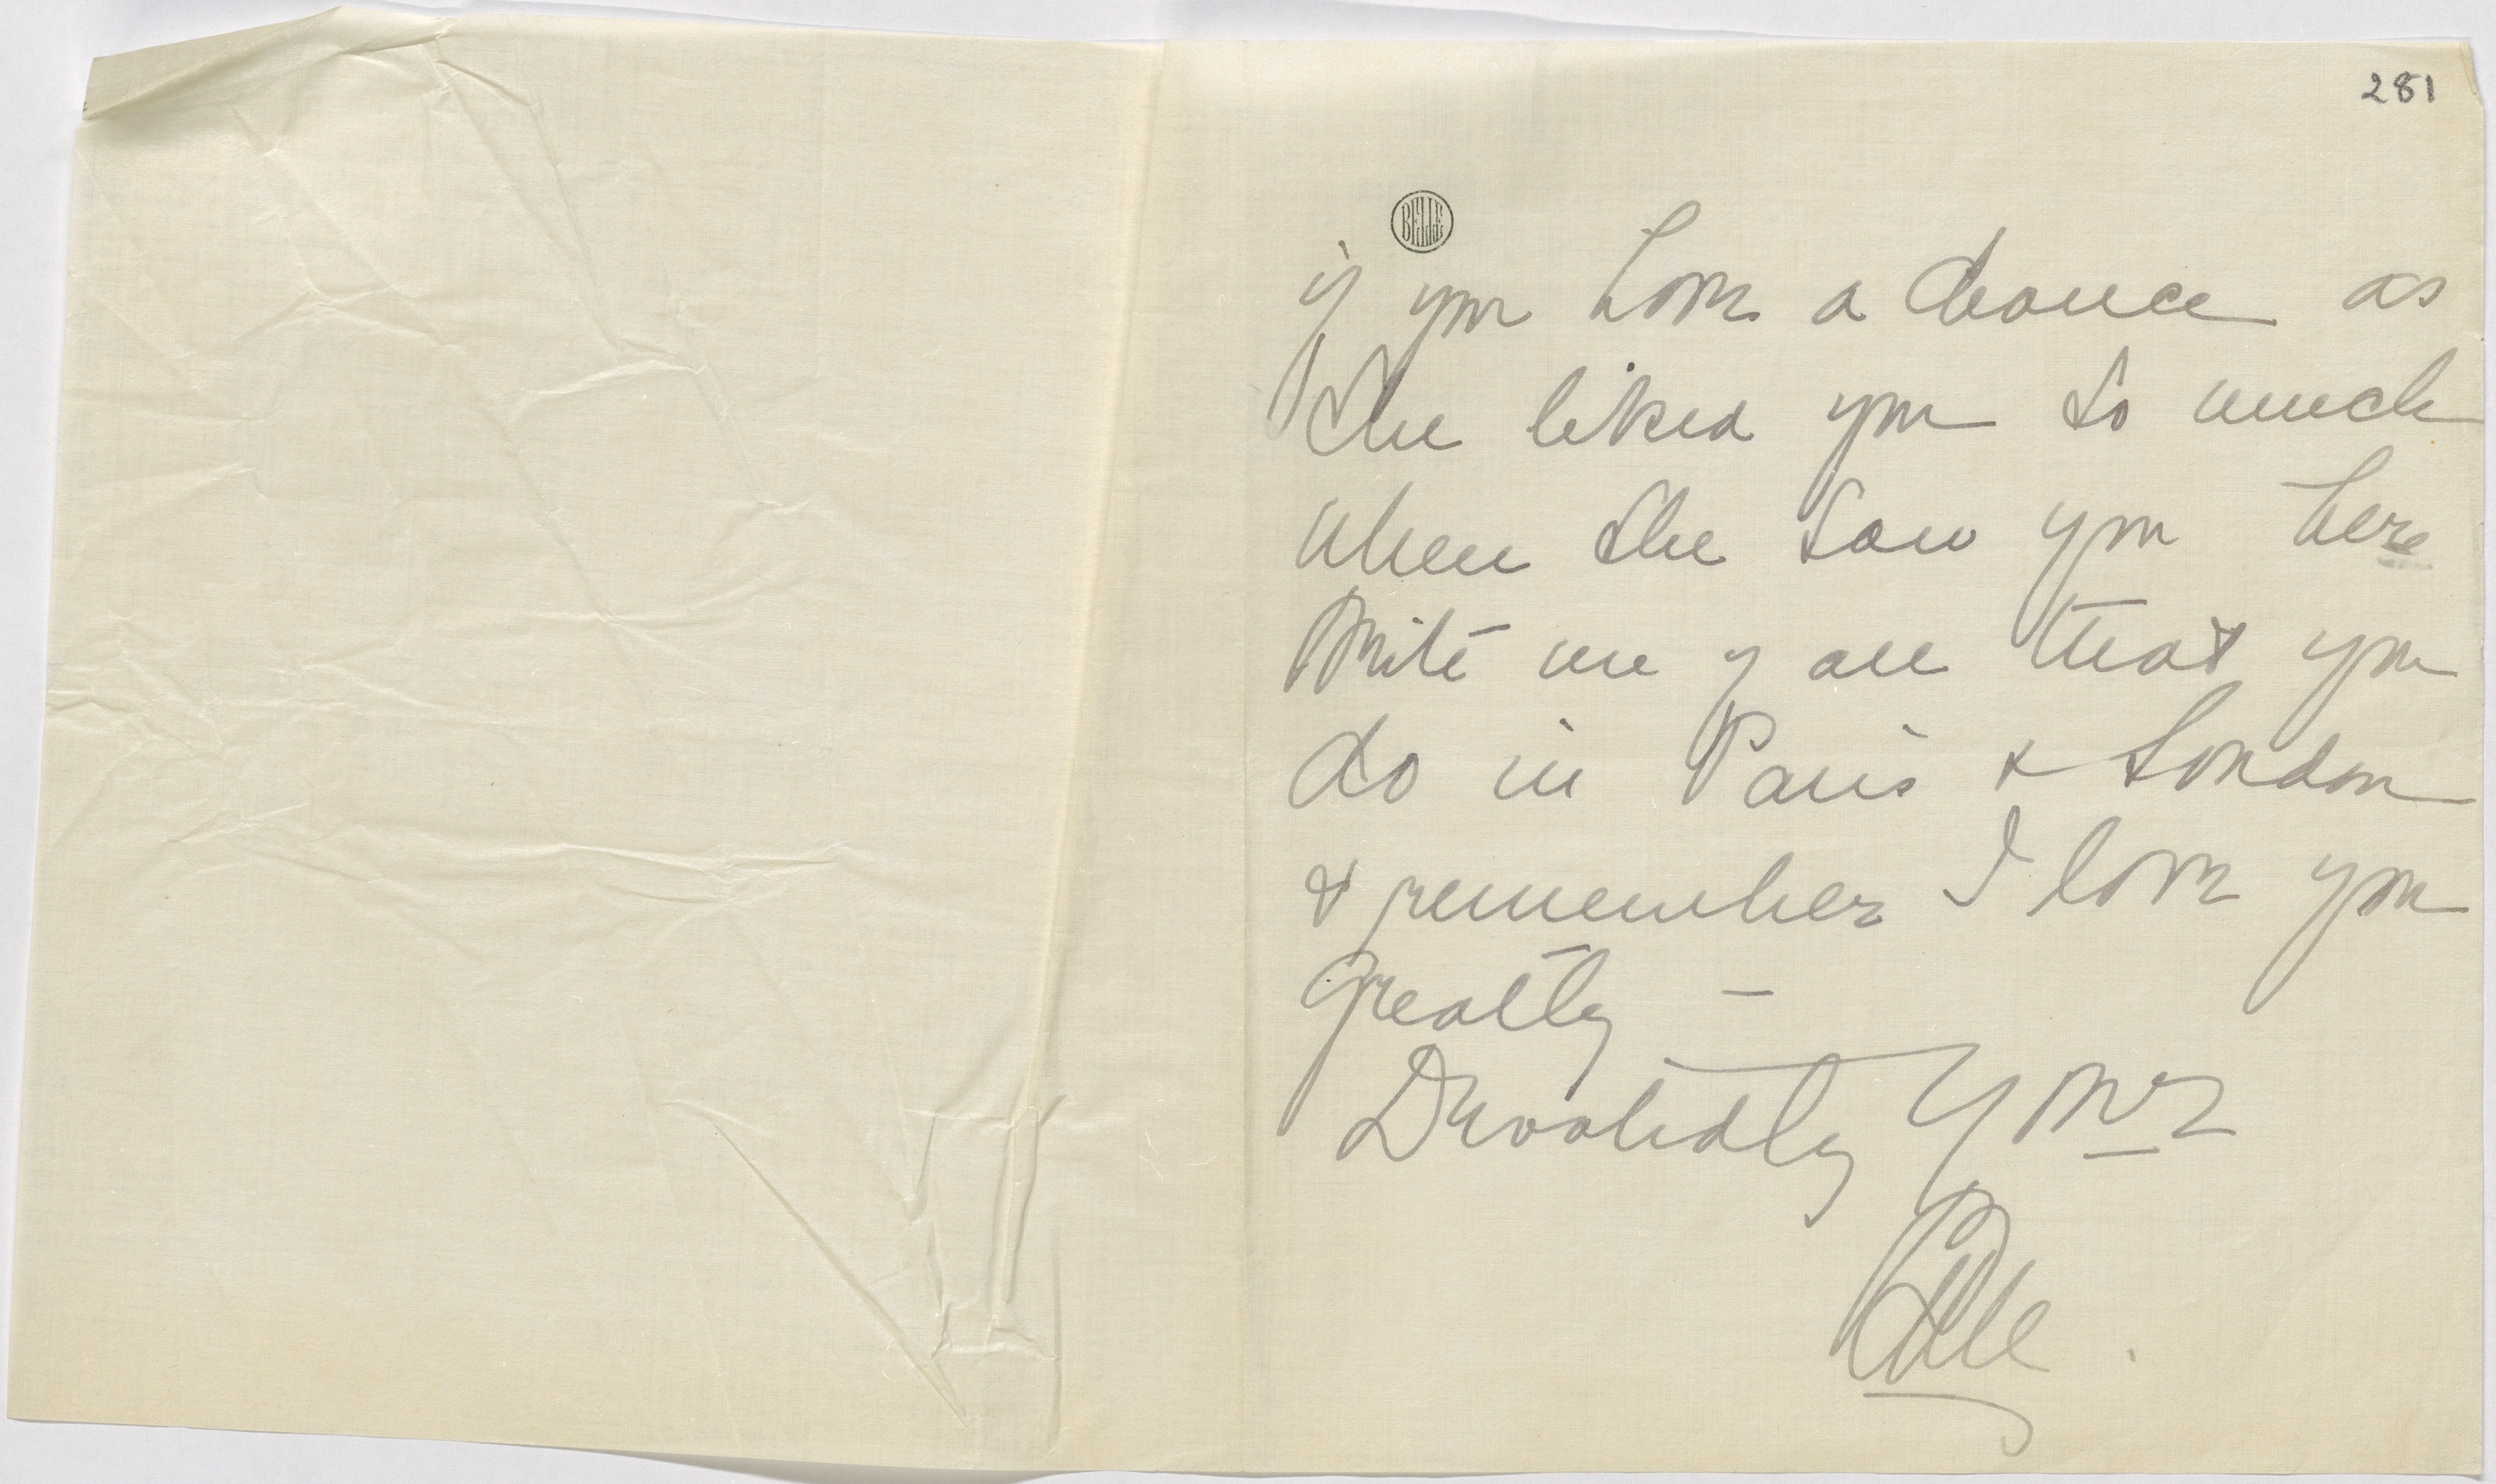if you have a chance as she liked you so much when she saw you here
Write me of all that you do in Paris & London & remember I love you greatly –
Devotedly your
Belle